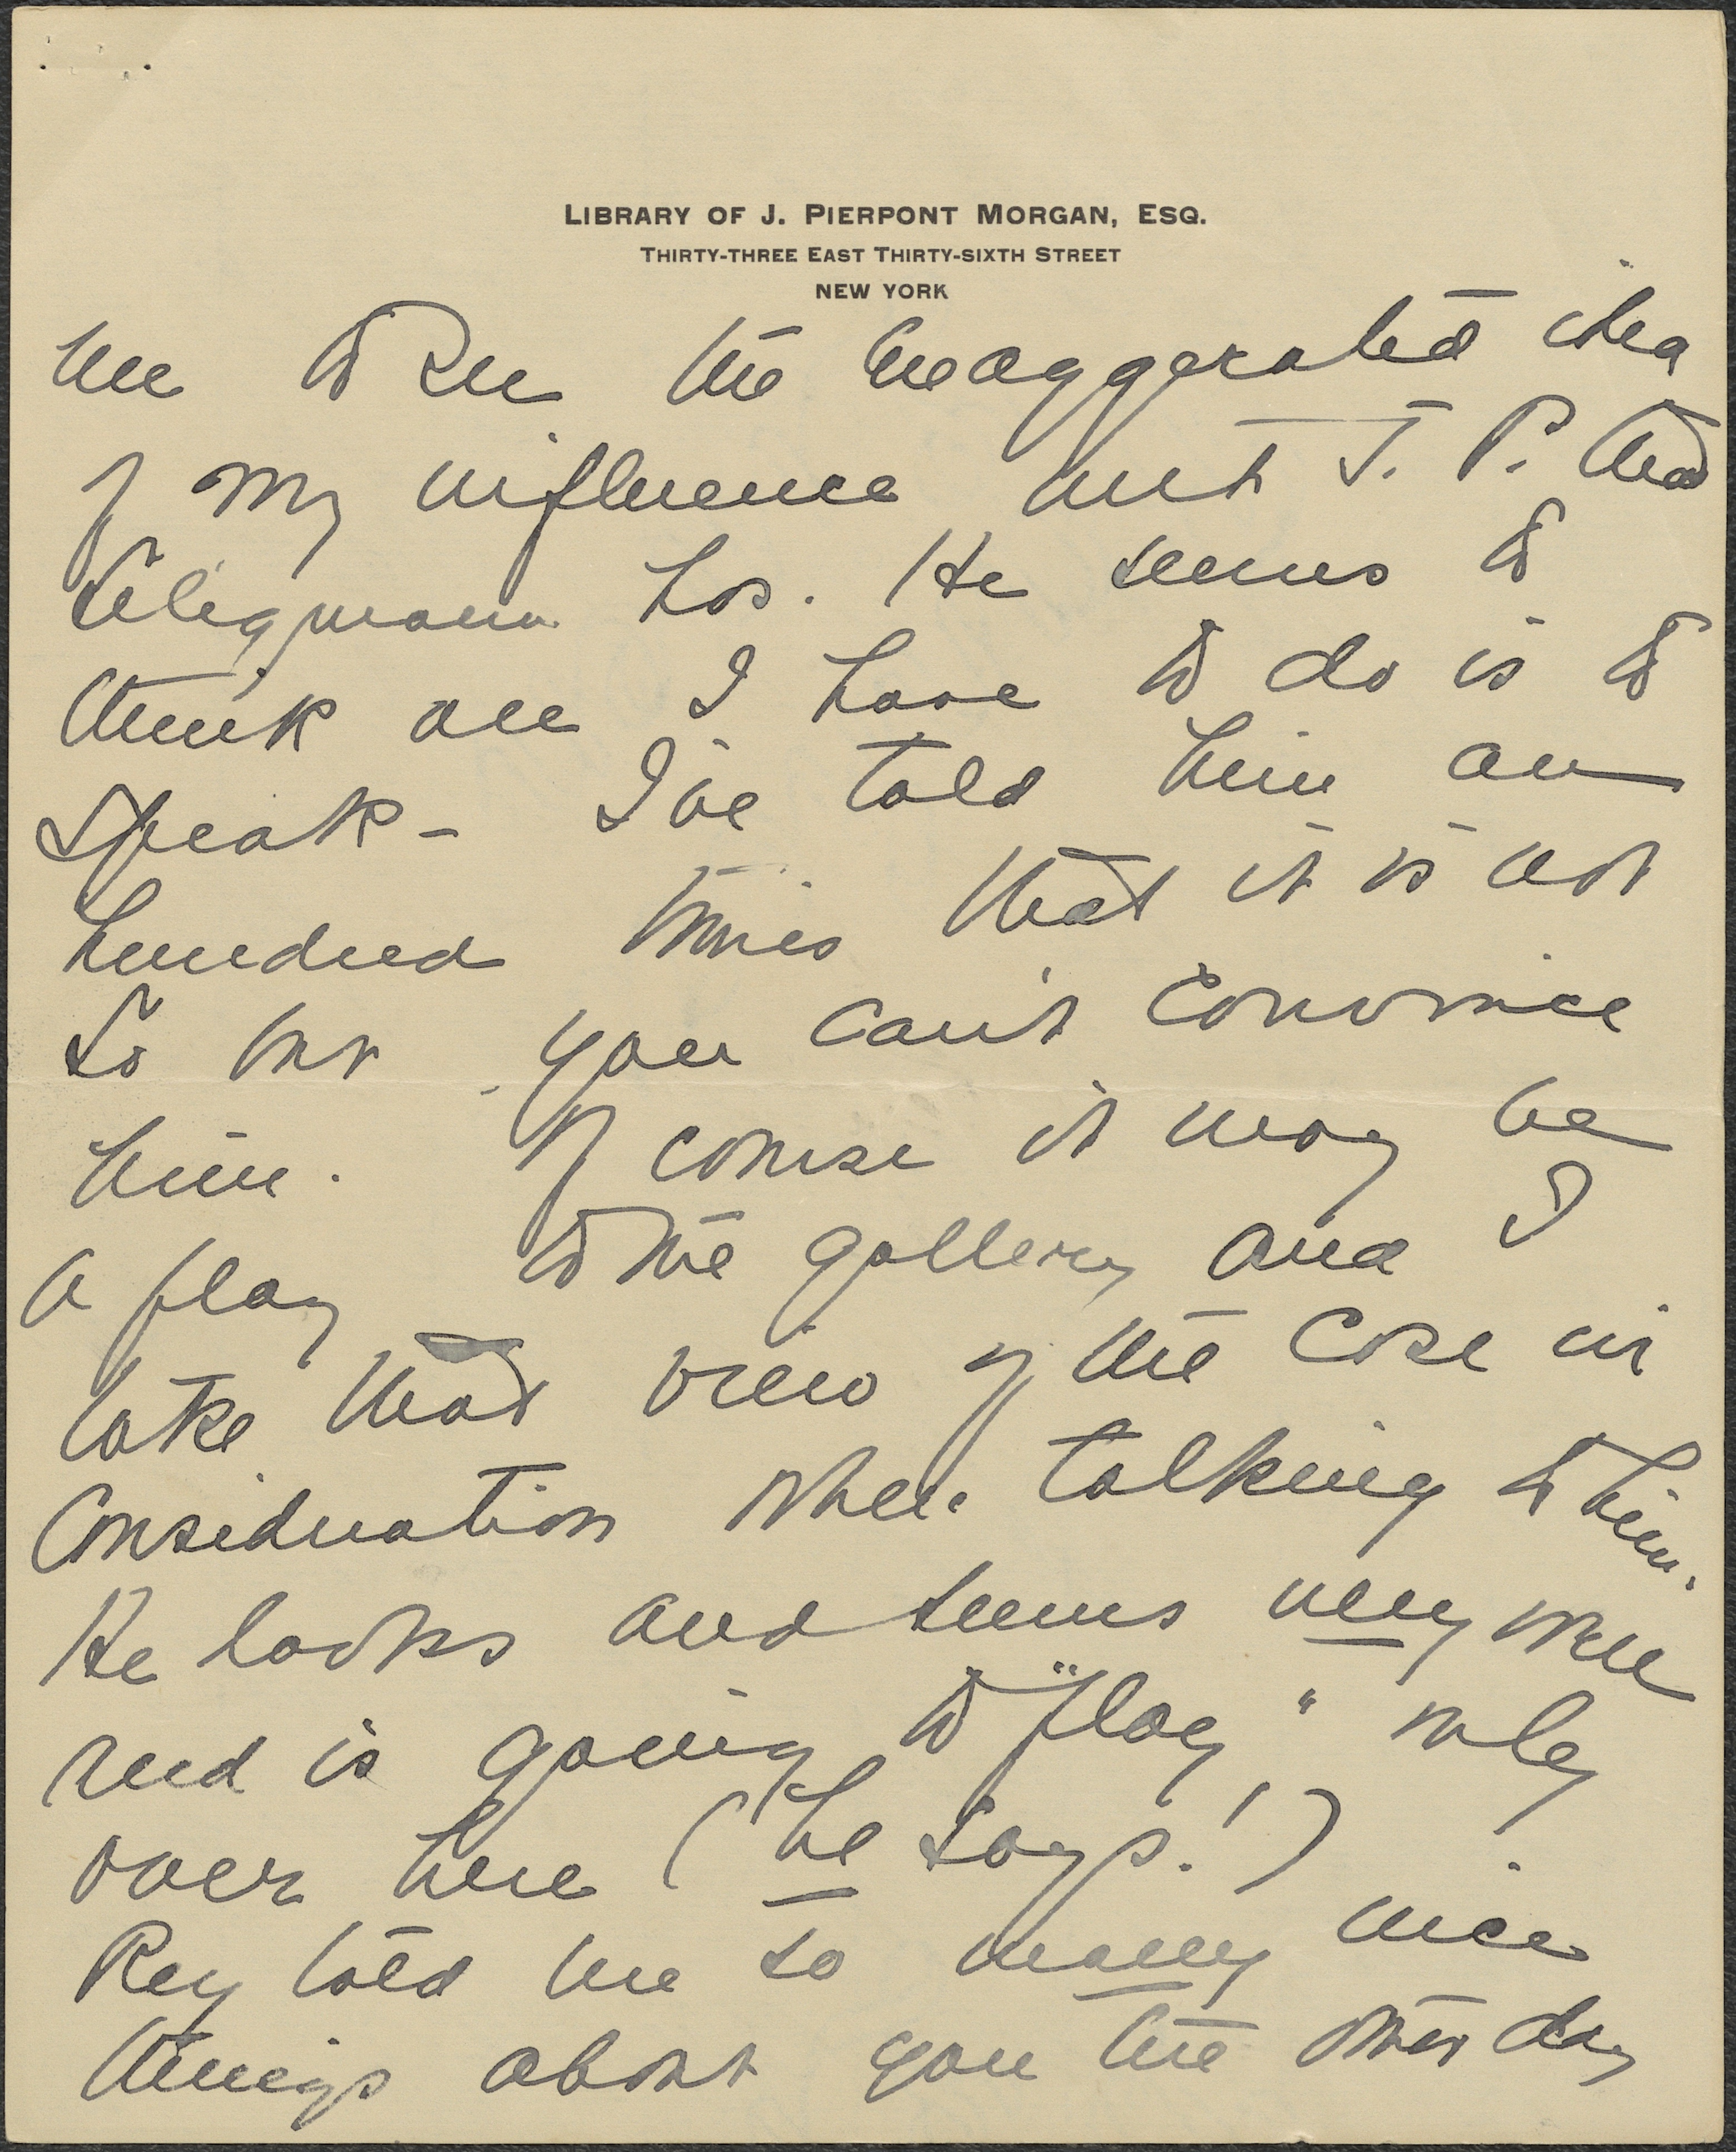me to see the exaggerated idea of my influence with J.P. that Seligmann has. He seems to think all I have to do is to speak – I’ve told him an hundred times that it is not so but you can’t convince him. Of course it may be a play to the gallery and I take that view of the case in consideration when talking to him. He looks and seems very well and is going to “play” only over here (he says!)
Rey told me so many nice things about you the other day